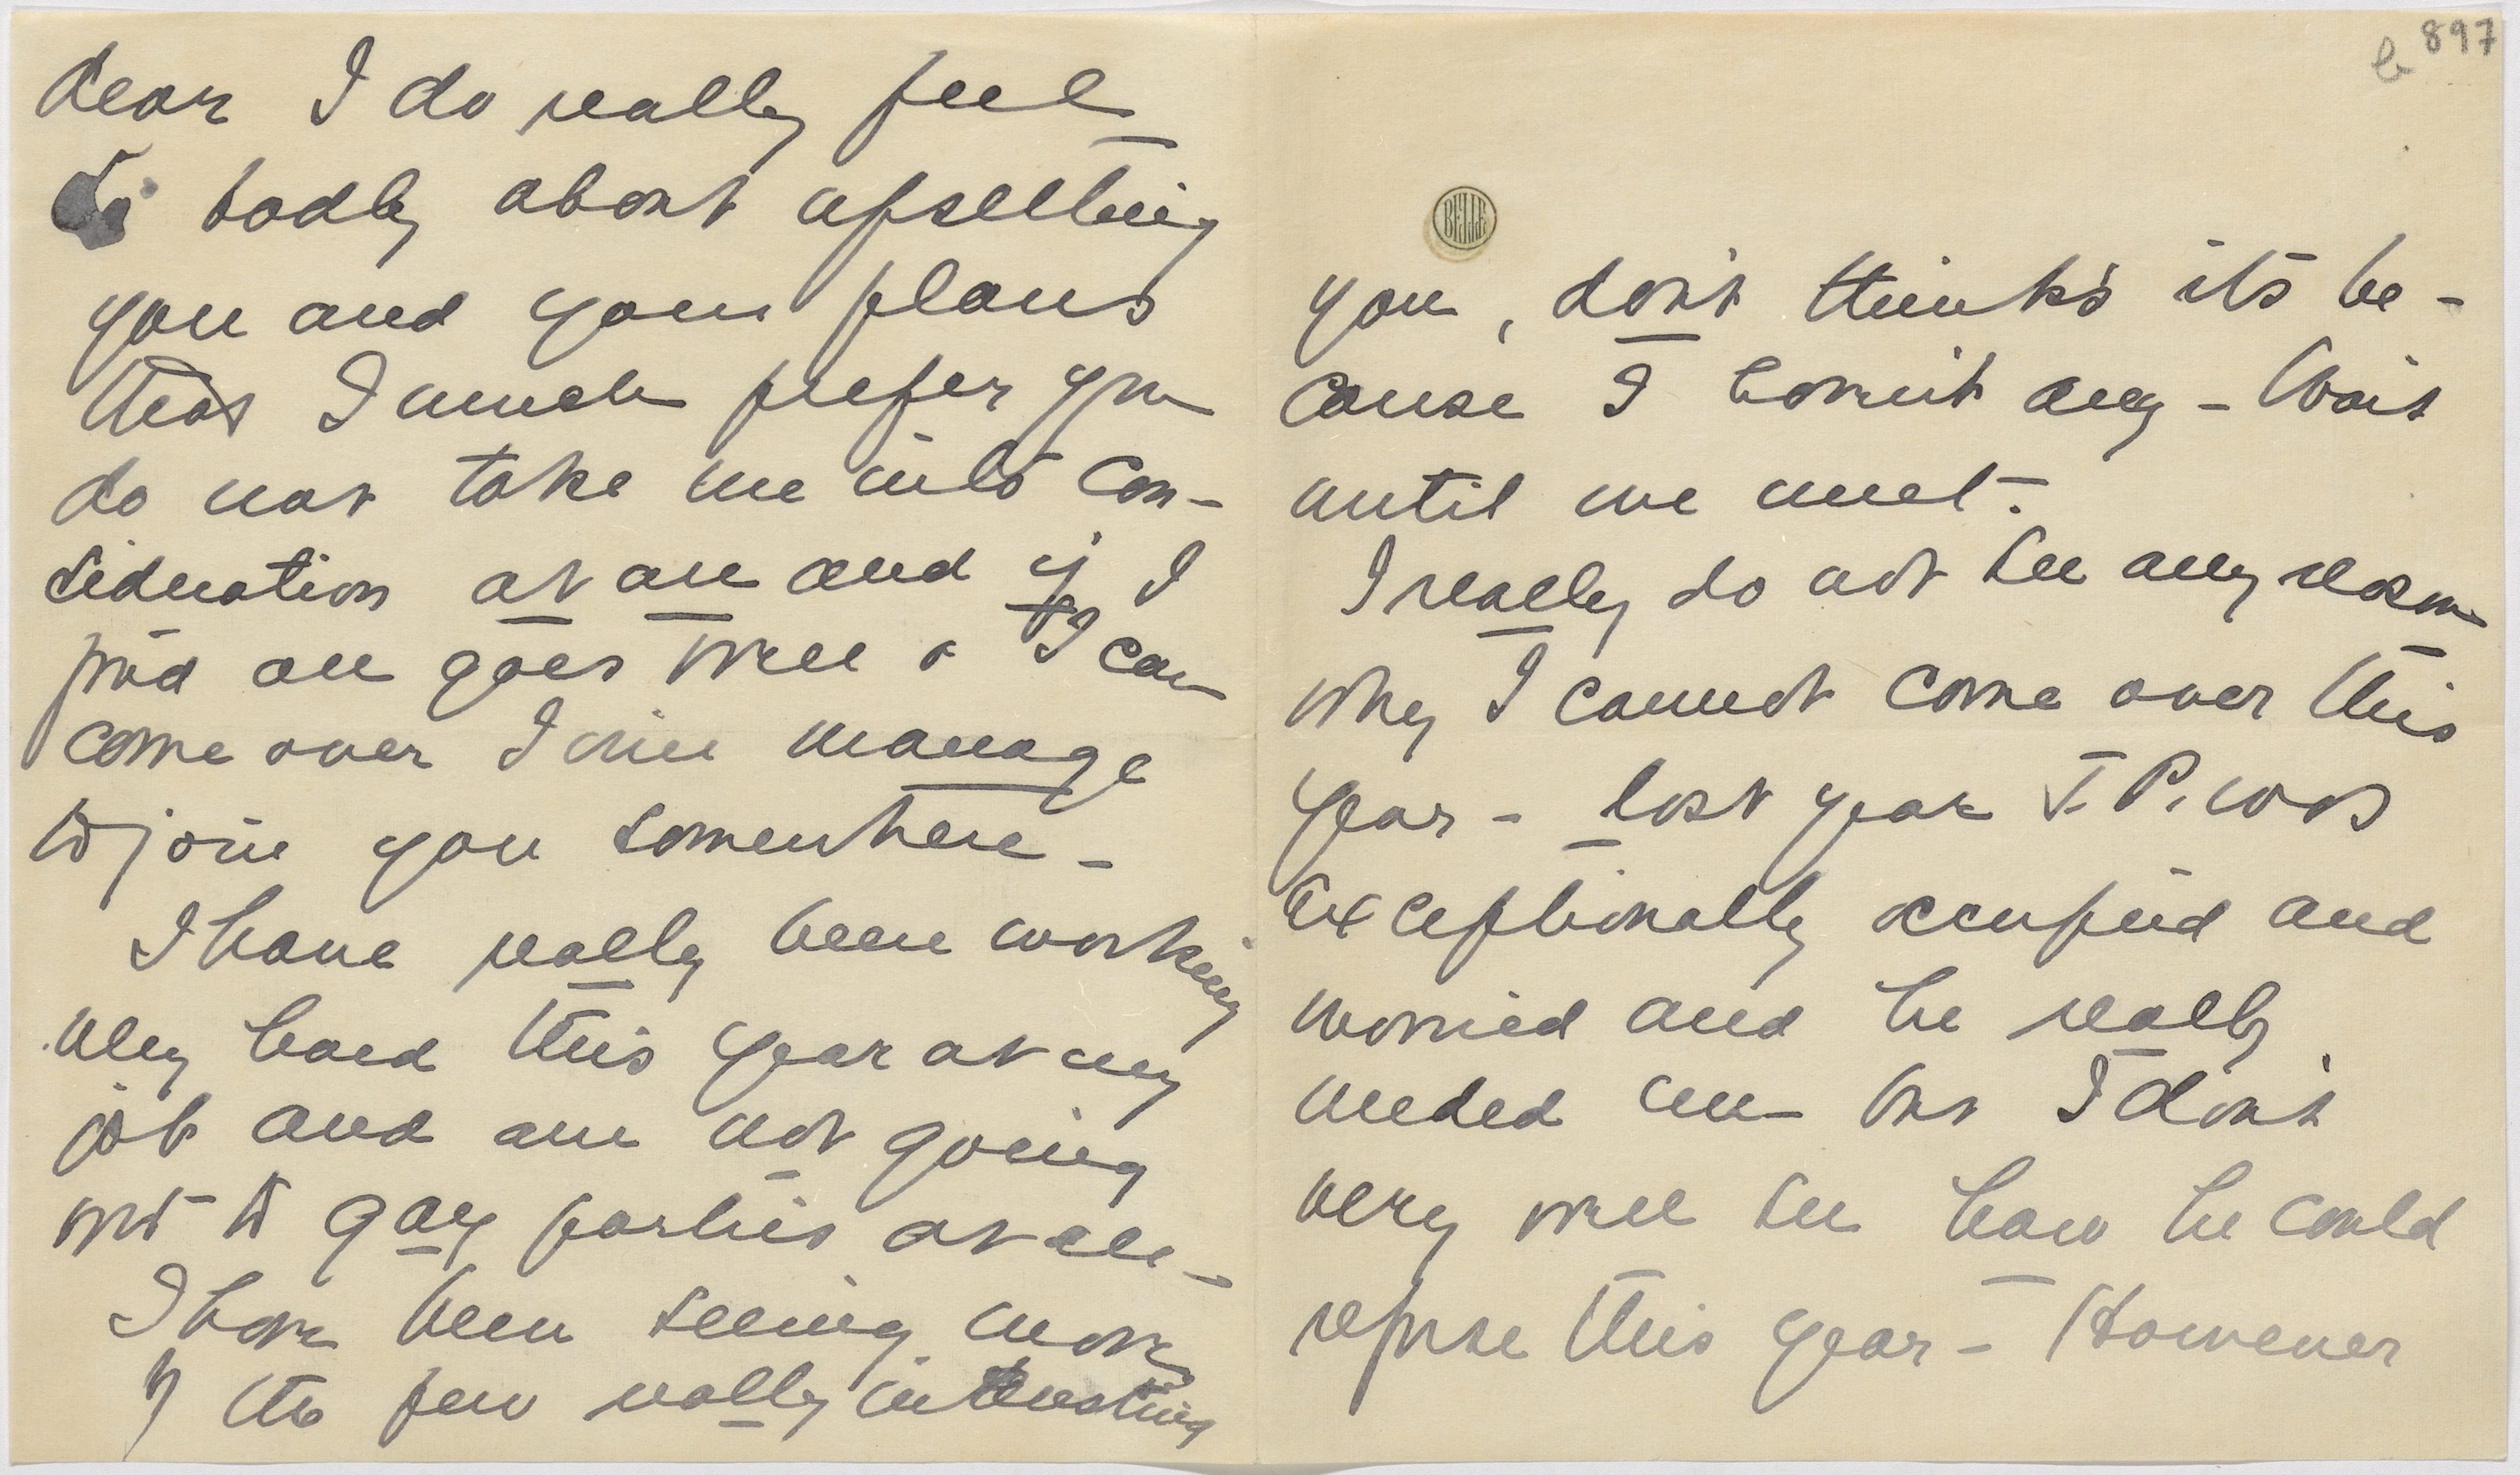you, don’t think’s [sic] it’s because I haven’t any – Wait until we meet.
I really do not see any reason why I cannot come over this year – last year J.P. was exceptionally occupied and worried and he really needed me – but I don’t very well see how he could refuse this year – However
dear I do really feel so badly about upsetting you and your plans that I much prefer you do not take me into consideration at all and if I find all goes well & I can come over I will manage to join you somewhere –
I have really been working very hard this year at my job and am not going out to gay parties at all – I have been seeing more of the few really interesting